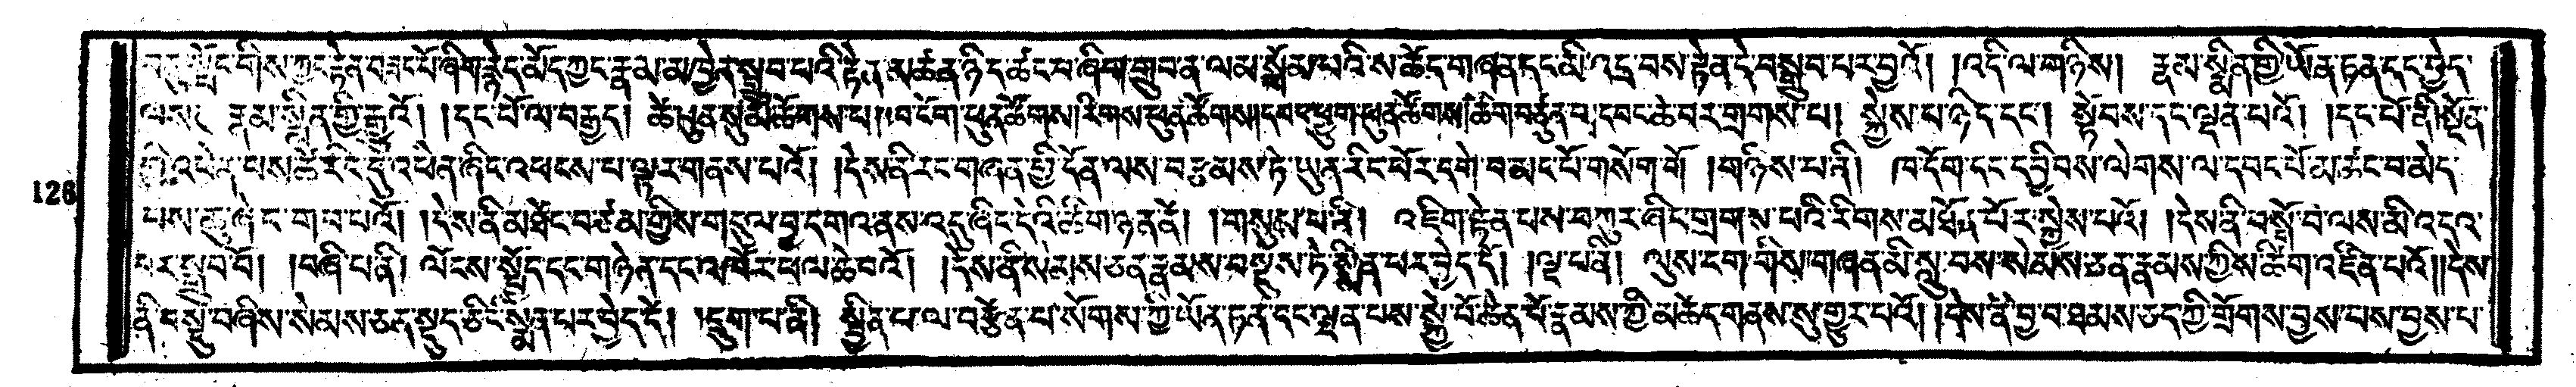བཅུ་སྤོང་གིས་ཀྱང་རྟེན་བཟང་པོ་ཞིག་རྙེད་མོད་ཀྱང་རྣམ་མཁྱེན་སྒྲུབ་པའི་རྟེན་མཚན་ཉིད་ཚང་པ་ཞིག་གྲུབ་ན་ལམ་སྒོམ་པའི་ས་ཆོད་གཞན་དང་མི་འདྲ་བས་རྟེན་དེ་བསྒྲུབ་པར་བྱའོ། །འདི་ལ་གཉིས། རྣམ་སྨིན་གྱི་ཡོན་ཏན་དང་བྱེད་
ལས༑ རྣམ་སྨིན་གྱི་རྒྱུའོ། །དང་པོ་ལ་བརྒྱད། ཚེ་ཕུན་སུམ་ཚོགས་པ། །བ་ངོག་ཕུན་ཚོགས། རིགས་ཕུན་ཚོགས། དབང་ཕྱུག་ཕུན་ཚོགས། ཚིག་བཙུན་པ། དབང་ཆེ་བར་གྲགས་པ། སྐྱེས་པ་ཉིད་དང་། སྟོབས་དང་ལྡན་པའོ། །དང་པོ་ནི། སྔོན་
གྱི་འཕེན་པས་ཚེ་རིང་དུ་འཕེན་ཞིང་འཕངས་པ་ལྟར་གནས་པའོ། །དེས་ནི་རང་གཞན་གྱི་དོན་ལས་བརྩམས་ཏེ་ཡུན་རིང་པོར་དགེ་བ་མང་པོ་གསོག་གོ །གཉིས་པ་ནི། ཁ་དོག་དང་དབྱིབས་ལེགས་ལ་དབང་པོ་མཚང་བ་མེད་
པས་ཆུ་ཞེང་གབ་པའོ། །དེས་ནི་མཐོང་བ་ཙམ་གྱིས་གདུལ་བྱ་དགའ་ནས་འདུ་ཞིང་དེའི་ཚིག་ཉན་ནོ། །གསུམ་པ་ནི། འཇིག་རྟེན་པས་བཀུར་ཞིང་གྲགས་པའི་རིགས་མཐོན་པོར་སྐྱེས་པའོ། །དེས་ནི་བསྒོ་བ་ལས་མི་འདའ་
པར་སྒྲུབ་བོ། །བཞི་པ་ནི། ལོངས་སྤྱོད་དང་གཉེན་དང་འཁོར་ཕལ་ཆེ་བའོ། །དེས་ནི་སེམས་ཅན་རྣམས་བསྡུས་ཏེ་སྨིན་པར་བྱེད་དོ། །ལྔ་པ་ནི། ལུས་ངག་གིས་གཞན་མི་སླུ་བས་སེམས་ཅན་རྣམས་ཀྱིས་ཚིག་འཛིན་པའོ། །དེས་
ནི་བསྡུ་བཞིས་སེམས་ཅན་སྡུད་ཅིང་སྨིན་པར་བྱེད་དོ། །དྲུག་པ་ནི། སྦྱིན་པ་ལ་བརྩོན་པ་སོགས་ཀྱི་ཡོན་ཏན་དང་ལྡན་པས་སྐྱེ་བོ་ཆེན་པོ་རྣམས་ཀྱི་མཆོད་གནས་སུ་གྱུར་པའོ། །དེས་ནི་བྱ་བ་ཐམས་ཅད་ཀྱི་གྲོགས་བྱས་པས་བྱས་པ་